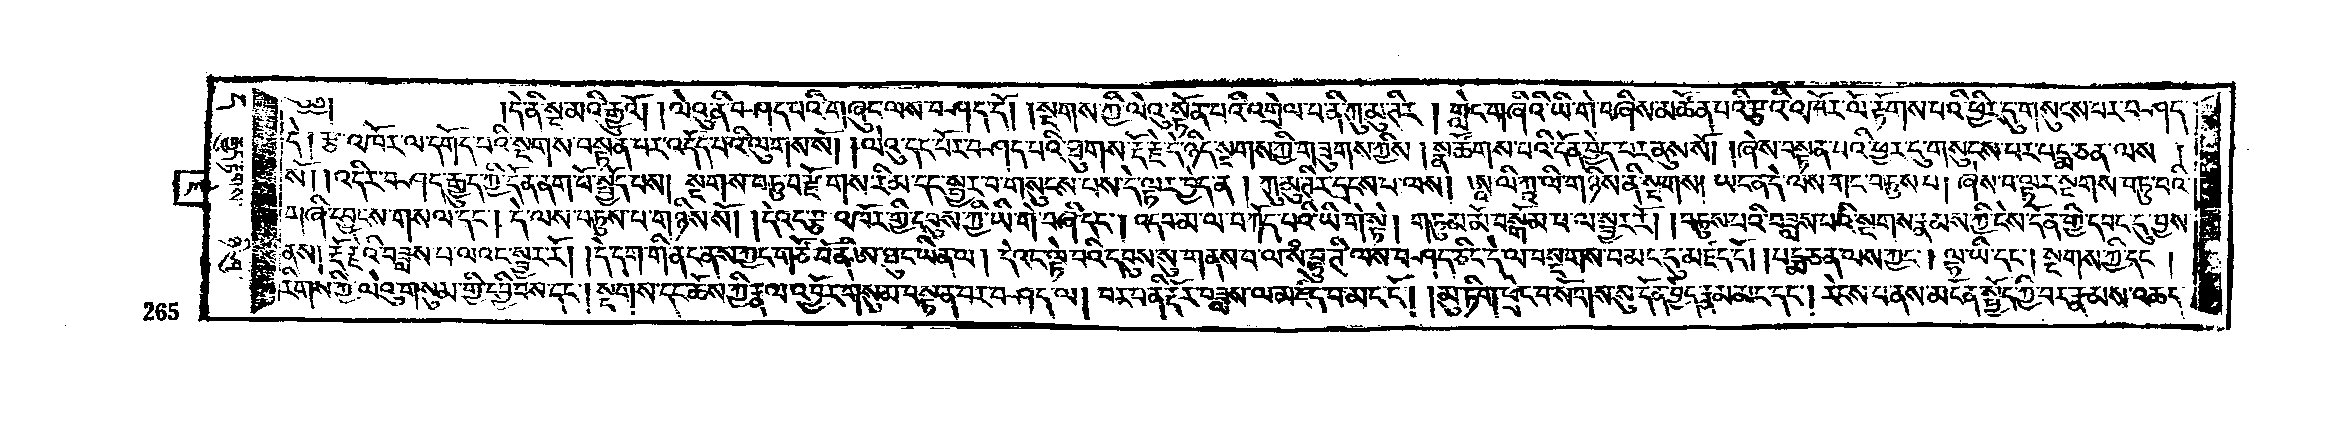༄༅། །དེ་ནི་སྔ་མའི་རྒྱུའོ། །ལེའུ་ནི་བཤད་པའི་གཞུང་ལས་བཤད་དོ། །སྔགས་ཀྱི་ལེའུ་སྟོན་པའི་འགྲེལ་པ་ནི་ཀུ་མུ་ཊིར། གླེང་གཞིའི་ཡི་གེ་བཞིས་མཚོན་པའི་རྩའི་འཁོར་ལོ་རྟོགས་པའི་ཕྱིར་དུ་གསུངས་པར་བཤད་
དེ། རྩ་འཁོར་ལ་དགོད་པའི་སྔགས་བསྟན་པར་འདོད་པའི་ལུགས་སོ། །ལེའུ་དང་པོར་བཤད་པའི་ཐུགས་རྡོ་རྗེ་དེ་ཉིད་སྔགས་ཀྱི་གཟུགས་ཀྱིས། སྣ་ཚོགས་པའི་དོན་བྱེད་པར་ནུས་སོ། །ཞེས་བསྟན་པའི་ཕྱིར་དུ་གསུངས་པར་པདམ་ཅན་ལས།
སོ། །འདིར་བཤད་རྒྱུད་ཀྱི་དོན་ནག་པོ་སྤྱོད་པས། སྔགས་བཏུ་བ་རྫོགས་རིམ་དང་སྦྱར་བ་གསུངས་པས་དེ་ལྟར་བྱེད་ན། ཀུ་མུ་ཊིར་དྲངས་པ་ལས། ཨཱ་ལི་ཀཱ་ལི་གཉིས་ནི་སྔགས། ཡང་ན་དེ་ལས་གང་བཏུས་པ། ཞེས་པ་ལྟར་སྔགས་བཏུ་པའི་
གཞི་དབྱངས་གསལ་དང་། དེ་ལས་བཏུས་པ་གཉིས་སོ། །དེའང་རྩ་འཁོར་གྱི་དབུས་ཀྱི་ཡི་གེ་བཞི་དང་། འདབ་མ་ལ་བཀོད་པའི་ཡི་གེ་སྟེ། གཏུམ་མོ་བསྒོམ་པ་ལ་སྦྱར་རོ། །བཏུས་པའི་བཟླས་པའི་སྔགས་རྣམས་ཀྱི་ངེས་དོན་གྱི་དབང་དུ་བྱས་
ནས། རྡོ་རྗེའི་བཟླས་པ་ལའང་སྦྱར་རོ། །དེ་དག་གི་ནང་ནས་ཀྱང་གཙོ་བོ་ནི་ཨ་ཐུང་ཡིན་ལ། དེའང་ལྟེ་བའི་དབུས་སུ་གནས་པ་ལ་སཾ་བྷུ་ཊི་ལས་བཤད་ཅིང་དེ་ལ་བསྔགས་པ་མང་དུ་མཛད་དོ། །པདམ་ཅན་ལས་ཀྱང་། ལྷ་ཡི་དང་། སྔགས་ཀྱི་དང་།
རིགས་ཀྱི་ལེའུ་གསུམ་གྱི་དབྱིབས་དང་། སྔགས་དང་ཆོས་ཀྱི་རྣལ་འབྱོར་གསུམ་བསྟན་པར་བཤད་ལ། བར་པ་ནི་རྡོར་བཟླས་ལ་མཛད་པ་མང་ངོ། །མུ་ཏིག་ཕྲེང་བ་སོགས་སུ་དོན་བྱེད་རྣམ་མང་དང་། རེངས་པ་ནས་མངོན་སྤྱོད་ཀྱི་བར་རྣམས་འཆད་